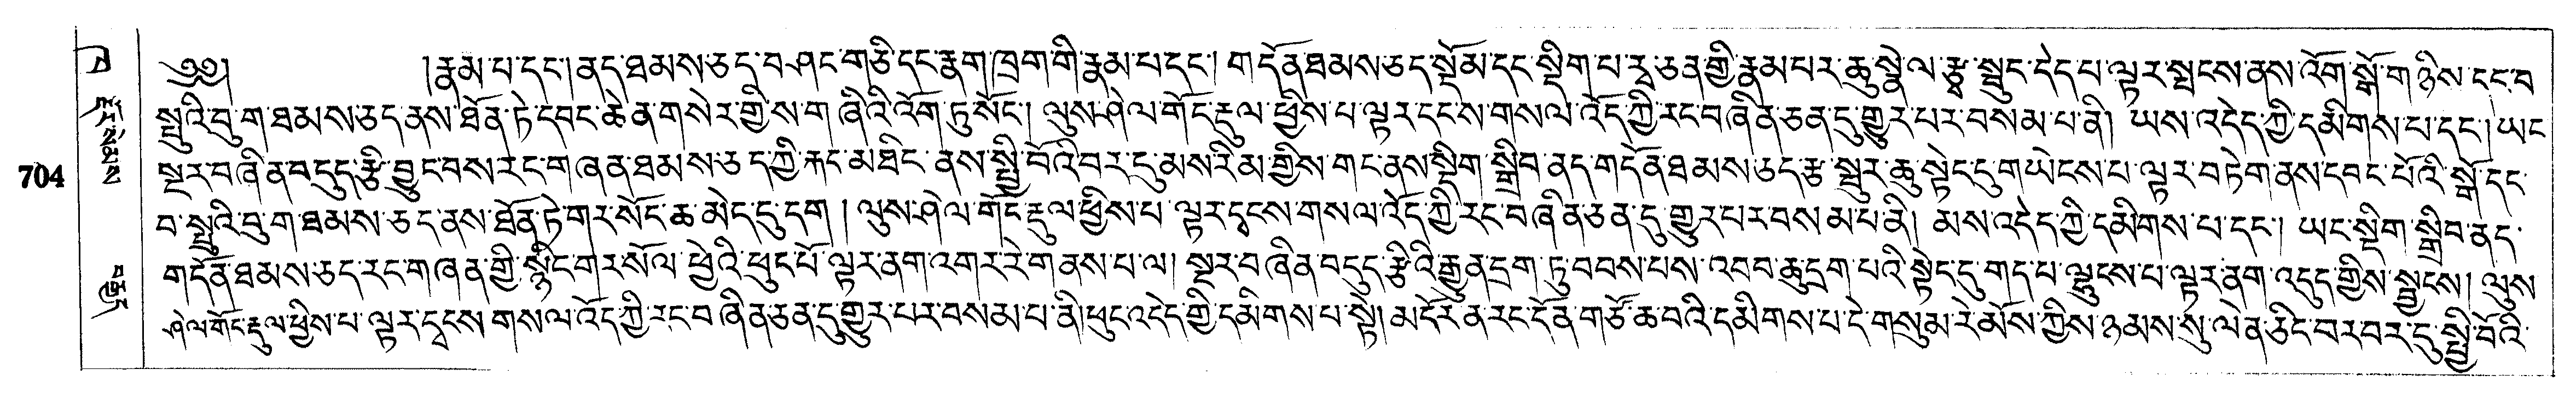༄༅། །རྣམ་པ་དང་། ནད་ཐམས་ཅད་བཤང་གཅི་དང་རྣག་ཁྲག་གི་རྣམ་པ་དང་། གདོན་ཐམས་ཅད་སྡོམ་དང་སྡིག་པ་རྭ་ཅན་གྱི་རྣམ་པར་ཆུ་སྣེ་ལ་རྩྭ་སྤུང་དེད་པ་ལྟར་སྤངས་ནས་འོག་སྒོ་གཉིས་དང་བ་
སྤུའི་བུ་ག་ཐམས་ཅད་ནས་ཐོན་ཏེ་དབང་ཆེན་གསེར་གྱི་ས་གཞིའི་འོག་ཏུ་སོང་། ལུས་ཤེལ་གོང་རྡུལ་ཕྱིས་པ་ལྟར་དང་ས་གསལ་འོད་ཀྱི་རང་བཞིན་ཅན་དུ་གྱུར་པར་བསམ་པ་ནི། ཡས་འདེད་ཀྱི་དམིགས་པ་དང་། ཡང་
སྔར་བཞིན་བདུད་རྩི་བྱུང་བས་རང་གཞན་ཐམས་ཅད་ཀྱི་རྐང་མཐིང་ནས་སྤྱི་བོའི་བར་དུ་མས་རིམ་གྱིས་གང་ནས་སྡིག་སྒྲིབ་ནད་གདོན་ཐམས་ཅད་རྩ་སྦུར་ཆུ་སྟེང་དུ་གཡེངས་པ་ལྟར་བཏེག་ནས་དབང་པོའི་སྒོ་དང་
བ་སྤུའི་བུ་ག་ཐམས་ཅད་ནས་ཐོན་ཏེ་གར་སོང་ཆ་མེད་དུ་དག །ལུས་ཤེལ་གོང་རྡུལ་ཕྱིས་པ་ལྟར་དྭངས་གསལ་འོད་ཀྱི་རང་བཞིན་ཅན་དུ་གྱུར་པར་བསམ་པ་ནི། མས་འདེད་ཀྱི་དམིགས་པ་དང་། ཡང་སྡིག་སྒྲིབ་ནད་
གདོན་ཐམས་ཅད་རང་གཞན་གྱི་སྙིང་གར་སོལ་ཕྱེའི་ཕུང་པོ་ལྟར་ནག་འགར་རེ་གནས་པ་ལ། སྔར་བཞིན་བདུད་རྩིའི་རྒྱུན་དྲག་ཏུ་བབས་པས་འབབ་ཆུ་དྲག་པའི་སྟེང་དུ་གད་པ་ལྷུངས་པ་ལྟར་ནག་འདུད་གྱིས་སྦྱངས། ལུས་
ཤེལ་གོང་རྡུལ་ཕྱིས་པ་ལྟར་དྭངས་གསལ་འོད་ཀྱི་རང་བཞིན་ཅན་དུ་གྱུར་པར་བསམ་པ་ནི། ཕུང་འདེད་ཀྱི་དམིགས་པ་སྟེ། མདོར་ན་རང་དོན་གཙོ་ཆ་བའི་དམིགས་པ་དེ་གསུམ་རེ་མོས་ཀྱིས་ཉམས་སུ་ལེན་ཅིང་བར་བར་དུ་སྤྱི་བོའི་